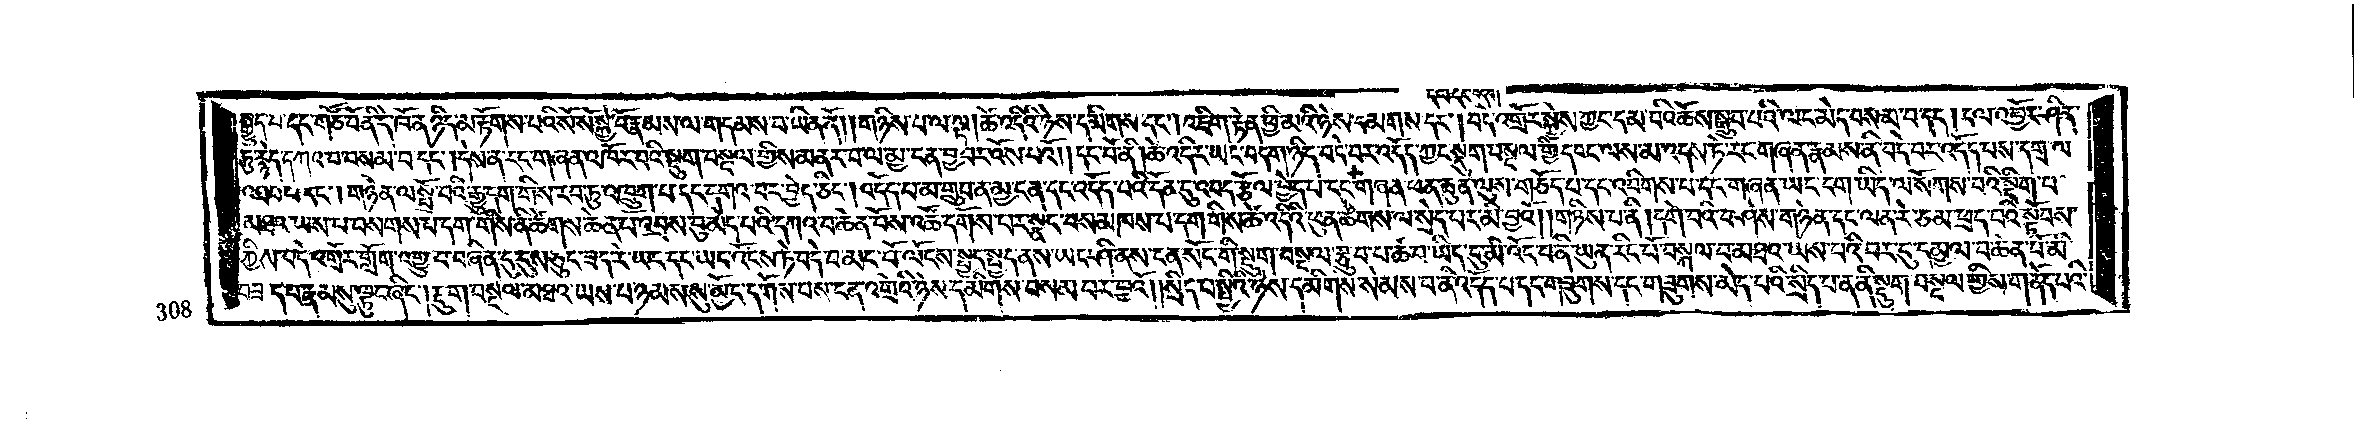སྒྱུད་པ་དང་གཙོ་བོ་ནི་དེ་ཁོ་ན་ཉིད་མ་རྟོགས་པའི་སོ་སོ་སྐྱེ་བོ་རྣམས་ལ་གདམས་པ་ཡིན་ནོ། །གཉིས་པ་ལ་ལྔ། ཚེ་འདིའི་ཉེས་དམིགས་དང་། འཇིག་རྟེན་ཕྱི་མའི་ཉེས་དམིགས་དང་། བདེ་འགྲོར་སྐྱེས་ཀྱང་དམ་པའི་ཆོས་སྒྲུབ་པའི་ལང་མེད་བསམ་པ་དང་། དལ་འབྱོར་ཤིན་
ཏུ་རྙེད་དཀའ་བ་བསམ་པ་དང་། དེས་ན་རང་གཞན་འཁོར་བའི་སྡུག་བསྔལ་གྱིས་མནར་བ་ལ་མྱ་ངན་བྱ་བར་འོས་པའོ། །དང་པོ་ནི། ཚེ་འདིར་ཡང་བདག་ཉིད་བདེ་བར་འདོད་ཀྱང་སྡུག་བསྔལ་གྱི་དབང་ལས་མ་འདས་ཏེ་རང་གཞན་རྣམས་ནི་བདེ་བར་འདོད་པས་དགྲ་ལ་
འཐབ་པ་དང་། གཉེན་ལ་སྤྲོ་བའི་རྒྱུ་དག་གིས་རབ་ཏུ་འཁྲུག་པ་དང་དགའ་བར་བྱེད་ཅིང་། འདོད་པ་མ་གྲུབ་ན་མྱ་ངན་དང་འདོད་པའི་དོན་དུ་འབད་རྩོལ་བྱེད་པ་དང་དཔེ?་དང་བདག་གཞན་ཕན་ཚུན་ལུས་གཅོད་པ་དང་འབིགས་པ་དང་གཞན་ཡང་ངག་ཡིད་ལ་སོགས་པའི་སྡིག་པ་
མཐའ་ཡས་པ་བསགས་པ་དག་གིས་ནི་ཚོགས་ཆེན་པོ་འབྲས་བུ་མེད་པའི་དཀའ་བ་ཆེན་པོས་འཚོ་དགོས་པར་སྣང་བས་མཁས་པ་དག་གིས་ཚེ་འདིའི་ཕུན་ཚོགས་ལ་སྲེད་པར་མི་བྱའོ། །གཉིས་པ་ནི། དགེ་བའི་བཤེས་གཉེན་དང་ལན་རེ་ཙམ་ཕྲད་པའི་སྟོབས་
ཀྱིས་བདེ་འགྲོར་གློག་འགྱུར་བ་བཞིན་དུ་དུས་ཅུང་ཟད་རེ་ཡང་དང་ཡང་འོངས་ཏེ་བདེ་བ་མང་པོ་ལོངས་སྤྱད་སྤྱད་ནས་ཡང་ཤི་ནས་ངན་སོང་གི་སྡུག་བསྔལ་རྩུབ་པ་ཚ་བ་ཡིད་དུ་མི་འོང་བ་ནི་ཡུན་རིང་པོ་བསྐལ་པ་མཐའ་ཡས་པའི་བར་དུ་དམྱལ་བ་ཆེན་པོ་མི་
བཟད་པ་རྣམས་སུ་ལྟུང་ཞིང་། རྡུག་བསྔལ་མཐའ་ཡས་པ་ཉམས་སུ་མྱོང་དགོས་པས་ངན་འགྲོའི་ཉེས་དམིགས་བསམ་པར་བྱའོ། །སྲིད་པ་སྤྱིའི་ཉེས་དམིགས་སེམས་པ་ནི་འདོད་པ་དང་གཟུགས་དང་གཟུགས་མེད་པའི་སྲིད་པ་ན་ནི་སྡུག་བསྔལ་གྱིས་གནོད་པའི་